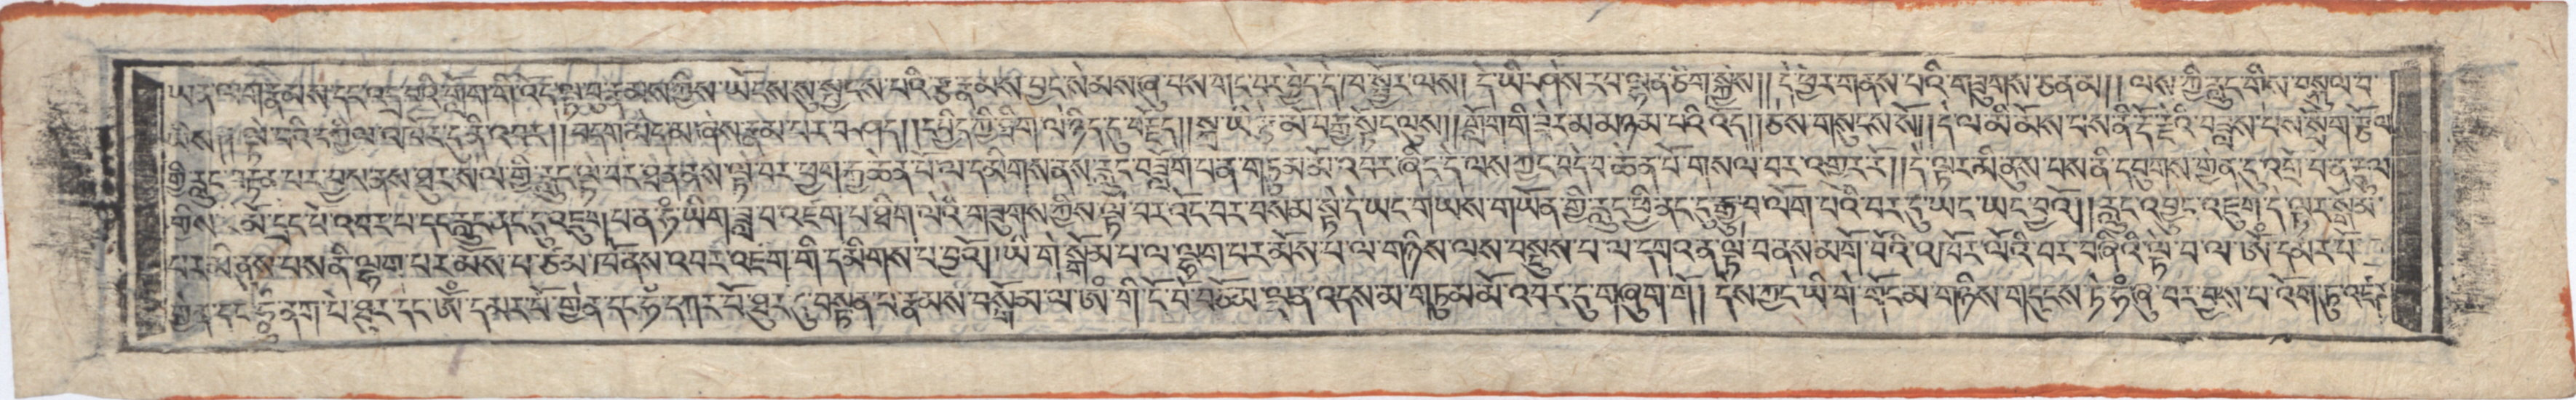ཡན་ལག་རྣམས་དང་འདྲ་བའི་གློག་གི་འོད་ལྟ་བུ་རྣམས་ཀྱིས་ཡོངས་སུ་སྦྱངས་པའི་རྩ་རྣམས་བྱང་སེམས་ཞུ་བས་གང་བར་བྱེད་དེ་ཁ་སྦྱོར་ལས། དེ་ཡི་ཤེས་རབ་ལྷན་ཅིག་སྐྱེས། །དེ་ཕྱིར་གནས་པའི་གཟུགས་ཅན་མ། །ལས་ཀྱི་རླུང་གིས་བསྐུལ་བ་
ཡིས༑ ༑ལྟེ་བའི་དཀྱིལ་འཁོར་དུ་ནི་འབར། །བདག་མེད་མ་ཞེས་རྣམ་པར་བཤད། །དཔྱིད་ཀྱི་ཐིག་ལེ་ཉིད་དུ་བརྗོད། །སྐྲ་ཡི་རྩེ་མོ་བརྒྱ་སྟོང་ལུས། །གློག་གི་ཟེར་མ་མཉམ་པའི་འོད། །ཅེས་གསུངས་སོ། །དེ་ལ་མི་མོས་པས་ནི་རྡོ་རྗེའི་བཟླས་པས་སྲོག་རྩོལ་
གྱི་རླུང་བརྟན་པར་བྱས་ནས་ཐུར་སེལ་གྱི་རླུང་ལྟེ་བར་ཐེན་ནས་ལྟེ་བར་ཕྱག་རྒྱ་ཆེན་པོ་ལ་དམིགས་ནས་རླུང་བཟློག་པ་ན་གཏུམ་མོ་འབར་ཞིང་དེ་ལས་ཀྱང་བདེ་བ་ཆེན་པོ་གསལ་བར་འགྱུར་རོ། །དེ་ལྟར་མི་ནུས་པས་ནི་དབུགས་གྱེན་དུ་འགྲོ་བ་ན་རྡུལ་
གྱིས་རི་མོ་དྲང་པོ་འབར་པ་དང་རླུང་ནང་དུ་འཇུག་པ་ན་ཧཾ་ཡིག་ཟླ་བ་འཛག་པ་ཐིག་ལེའི་གཟུགས་ཀྱིས་ལྟེ་བར་འོང་བར་བསམ་སྟེ་དེ་ཡང་གཡས་གཡོན་གྱི་རླུང་ཕྱི་ནང་དུ་རྒྱུ་བ་ལོག་པའི་བར་དུ་ཡང་ཡང་བྱའོ། །རླུང་འབྱུང་འཇུག་དེ་ལྟར་སྒོམ་
པར་མི་ནུས་པས་ནི་ལྷག་པར་མོས་པ་ཙམ་ཁོ་ནས་འབར་འཛག་གི་དམིགས་པ་བྱའོ། །ཡི་གེ་སྒོམ་པ་ལ་ལྷག་པར་མོས་པ་ལ་གཉིས་ལས་བསྡུས་པ་ལ་དགའ་ན་ལྟེ་བ་ནས་མགོ་བོའི་འཁོར་ལོའི་བར་བཞིའི་ལྟེ་བ་ལ་ཨོཾ་དམར་པོ་
གྱེན་དང་ཧཱུཾ་ནག་པོ་ཐུར་དང་ཨོཾ་དམར་པོ་གྱེན་དང་ཧཾ་དཀར་པོ་ཐུར་དུ་བསྟན་པ་རྣམས་བསྒོམ་ལ་ཨཾ་གི་ངོ་བོ་བཅོམ་ལྡན་འདས་མ་གཏུམ་མོ་འབར་དུ་གཞུག་གོ །དེས་ཀྱང་ཡི་གེ་གོང་མ་གཉིས་གདུངས་ཏེ་ཧཾ་ཞུ་བར་བྱས་པ་འོག་ཏུ་འཛགས་